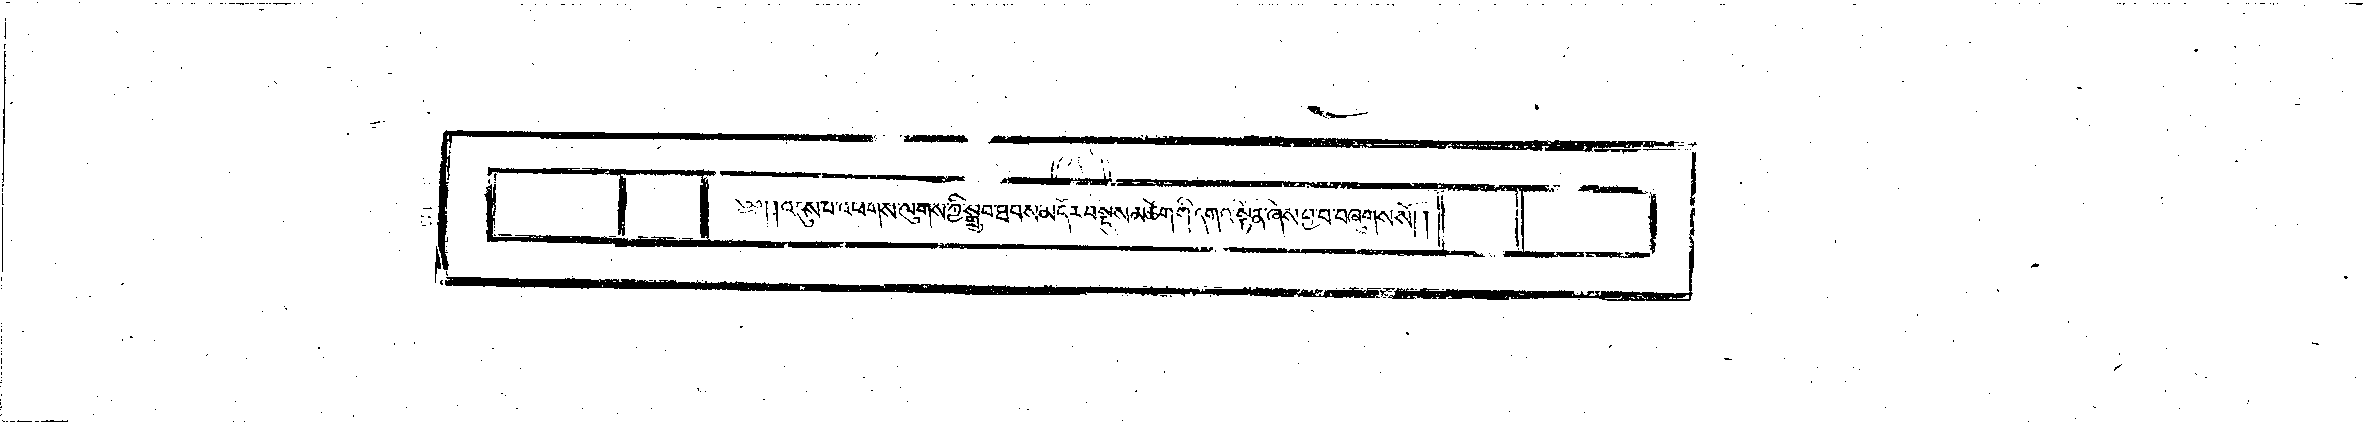༄༅། །འདུས་པ་འཕགས་ལུགས་ཀྱི་སྒྲུབ་ཐབས་མདོར་བསྡུས་མཆོག་གི་དགའ་སྟོན་ཞེས་བྱ་བ་བཞུགས་སོ།།